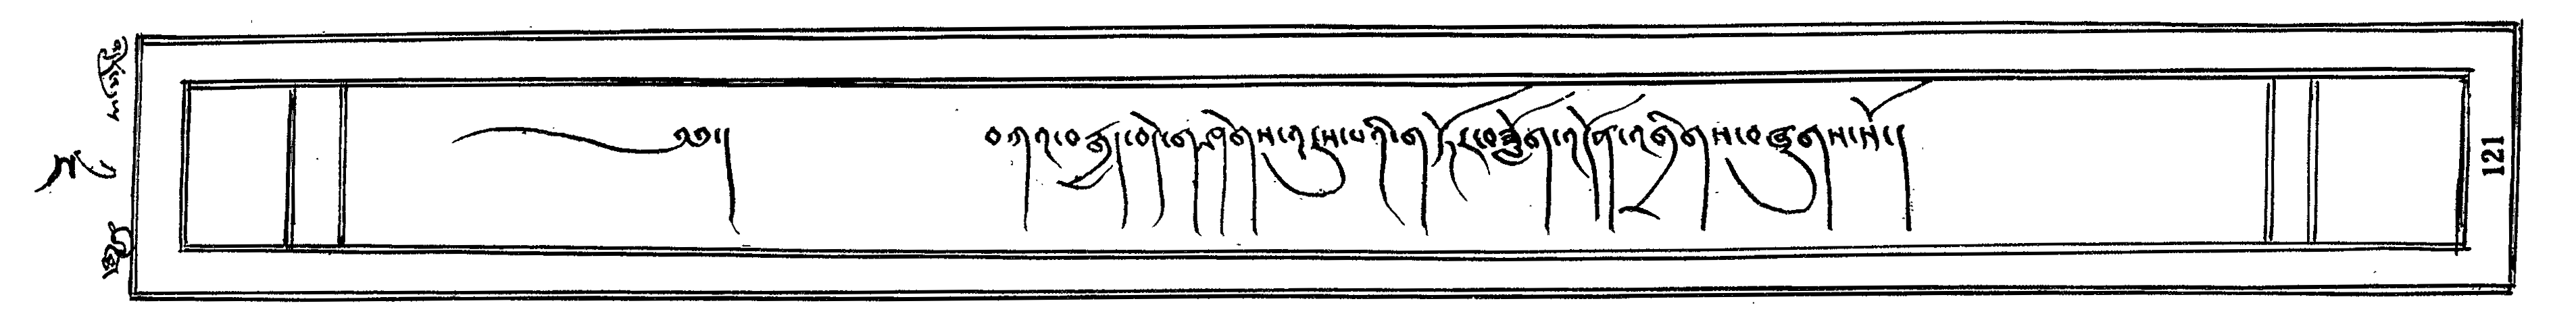༄༅། བཀའ་བརྒྱད་བདེ་གཤེགས་འདུས་པའི་གཏོར་ཟློག་འདོན་འགྲིགས་བཞུགས་སོ།